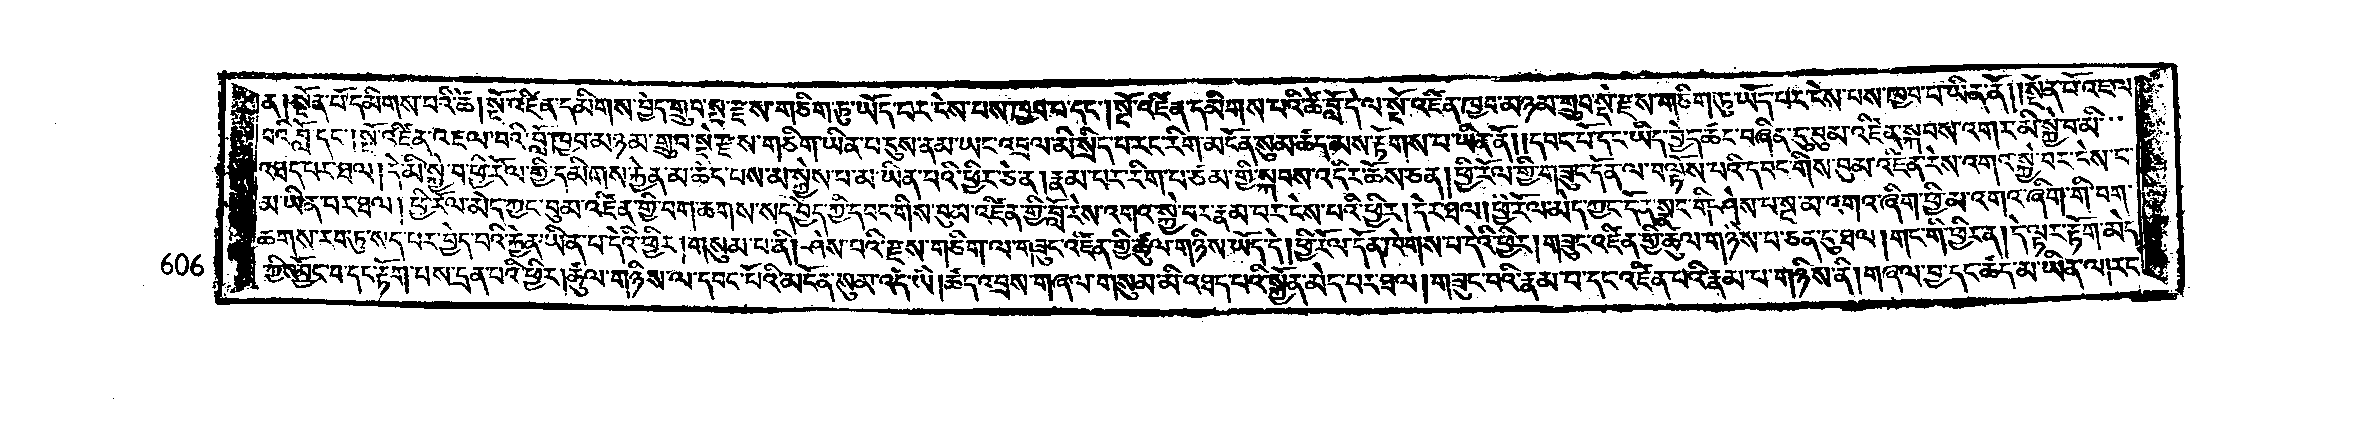ན༑ སྔོན་པོ་དམིགས་པའི་ཚེ། སྔོ་འཛིན་དམིགས་བྱེད་གྲུབ་སྔ་རྫས་གཅིག་ཏུ་ཡོད་པར་ངེས་པས་ཁྱབ་པ་དང་། སྔོ་འཛིན་དམིགས་པའི་ཆོ་བློ་དེ་ལ་སྔོ་འཛིན་ཁྱབ་མཉམ་གྲུབ་སྡེ་རྫས་གཅིག་ཏུ་ཡོད་པར་ངེས་པས་ཁྱབ་པ་ཡིན་ནོ། །སྔོན་པོ་འཇལ་
བའི་བློ་དང་། སྔོ་འཛིན་འཇལ་བའི་བློ་ཁྱབ་མཉམ་གྲུབ་སྡེ་རྫས་གཅིག་ཡིན་པ་དུས་ནམ་ཡང་འབྲལ་མི་སྲིད་པ་རང་རིག་མངོན་སུམ་ཚད་མས་རྟོགས་པ་ཡིན་ནོ། །དབང་པོ་དང་ཡིད་བྱེད་ཚང་བཞིན་དུ་བུམ་འཛིན་སྐབས་འགར་མི་སྐྱེ་བ་མི་
འཐད་པར་ཐལ། དེ་མི་སྐྱེ་བ་ཕྱི་རོལ་གྱི་དམིགས་རྐྱེན་མ་ཆད་པས་མ་སྐྱེས་པ་མ་ཡིན་པའི་ཕྱིར་ཅེ་ན། རྣམ་པར་རིག་པ་ཙམ་གྱི་སྐབས་འདིར་ཆོས་ཅན། ཕྱི་རོལ་གྱི་གཟུང་དོན་ལ་བལྟོས་པའི་དབང་གིས་བུམ་འཛིན་རེས་འགའ་སྐྱེ་བར་ངེས་པ་
མ་ཡིན་པར་ཐལ། ཕྱི་རོལ་མེད་ཀྱང་བུམ་འཛིན་གྱི་བག་ཆགས་སད་བྱེད་ཀྱི་དབང་གིས་བུམ་འཛིན་གྱི་བློ་རེས་འགའ་སྐྱེ་བར་རྣམ་པར་ངེས་པའི་ཕྱིར། དེར་ཐལ། ཕྱི་རོལ་མེད་ཀྱང་དོན་སྣང་གི་ཤེས་པ་སྔ་མ་འགའ་ཞིག་ཕྱི་མ་འགའ་ཞིག་གི་བག་
ཆགས་རབ་ཏུ་སད་པར་བྱེད་པའི་རྐྱེན་ཡིན་པ་དེའི་ཕྱིར། གསུམ་པ་ནི། ཤེས་པའི་རྫས་གཅིག་ལ་གཟུང་འཛིན་གྱི་ཚུལ་གཉིས་ཡོད་དེ། ཕྱི་རོལ་དོན་ཁེགས་པ་དེའི་ཕྱིར། གཟུང་འཛིན་གྱི་ཚུལ་གཉིས་པ་ཅན་དུ་ཐལ། གང་གི་ཕྱིར་ན། དེ་ལྟར་རྟོག་མེད་
ཀྱིས་མྱོང་བ་དང་རྟོག་པས་དྲན་པའི་ཕྱིར། ཚུལ་གཉིས་ལ་དབང་པོའི་མངོན་སུམ་འདི་ཡི། ཚད་འབྲས་གཞལ་གསུམ་མི་འཐད་པའི་སྐྱོན་མེད་པར་ཐལ། གཟུང་བའི་རྣམ་པ་དང་འཛིན་པའི་རྣམ་པ་གཉིས་ནི། གཞལ་བྱ་དང་ཚད་མ་ཡིན་ལ། རང་